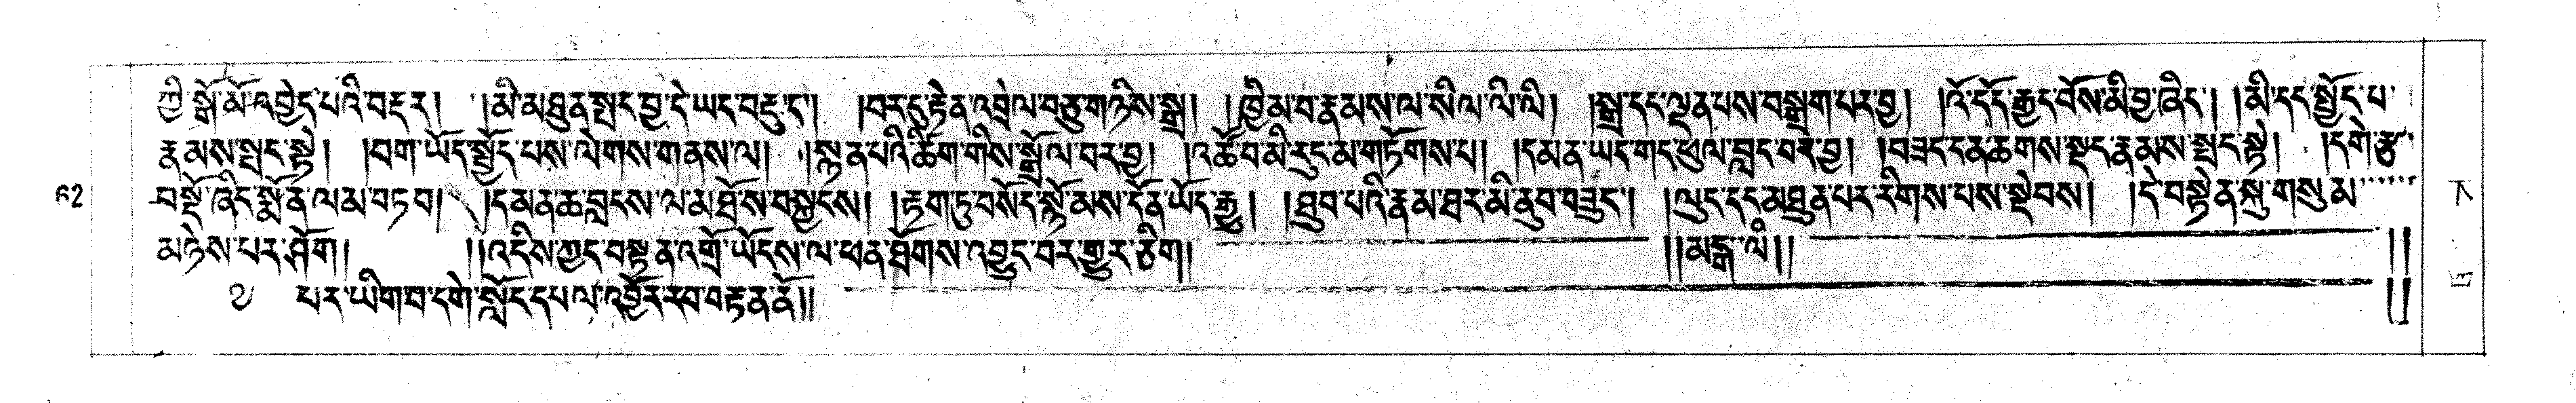ཀྱི་སྒོ་མོ་འབྱེད་པའི་བརྡར། །མི་མཐུན་སྤང་བྱ་དེ་ཡང་བརྡུང་། །བར་དུ་རྟེན་འབྲེལ་བཅུ་གཉིས་སྒྲ། །ཁྱིམ་བ་རྣམས་ལ་སིལ་ལི་ལི། །སྒྲ་དང་ལྡན་པས་བསྒྲག་པར་བྱ། །འོ་དོད་རྒྱང་བོས་མི་བྱ་ཞིང་། །མི་དང་སྤྱོད་པ་
རྣམས་སྤང་སྟེ། །བག་ཡོད་སྤྱོད་པས་ལེགས་གནས་ལ། །སྙན་པའི་ཚིག་གིས་སྒྲོལ་བར་བྱ། །འཚོ་བ་མི་རུང་མ་གཏོགས་པ། །དམན་ཡང་གང་ཕུལ་བླང་བར་བྱ། །བཟང་ངན་ཆགས་སྡད་རྣམས་སྤང་སྟེ། །དགེ་རྩ་
བསྔོ་ཞིང་སྨོན་ལམ་བཏབ། །དམན་ཆ་བླངས་ལ་མཐོ་ས་བསྐྱངས། །རྟག་ཏུ་བསོད་སྙོམས་དོན་ཡོད་རྒྱུ། །ཐུབ་པའི་རྣམ་ཐར་མི་ནུབ་བཟུང་། །ལུང་དང་མཐུན་པར་རིགས་པས་སྡེབས། །དེ་བསྟེན་སྐུ་གསུམ་
མཉེས་པར་ཤོག། །།འདིས་ཀྱང་བསྟན་འགྲོ་ཡོངས་ལ་ཕན་ཐོགས་འབྱུང་བར་གྱུར་ཅིག། །།མངྒ་ལཾ།། །།
༧་པར་ཡིག་བ་དགེ་སློང་དཔལ་འབྱོར་རབ་བརྟན་ནོ།། །།